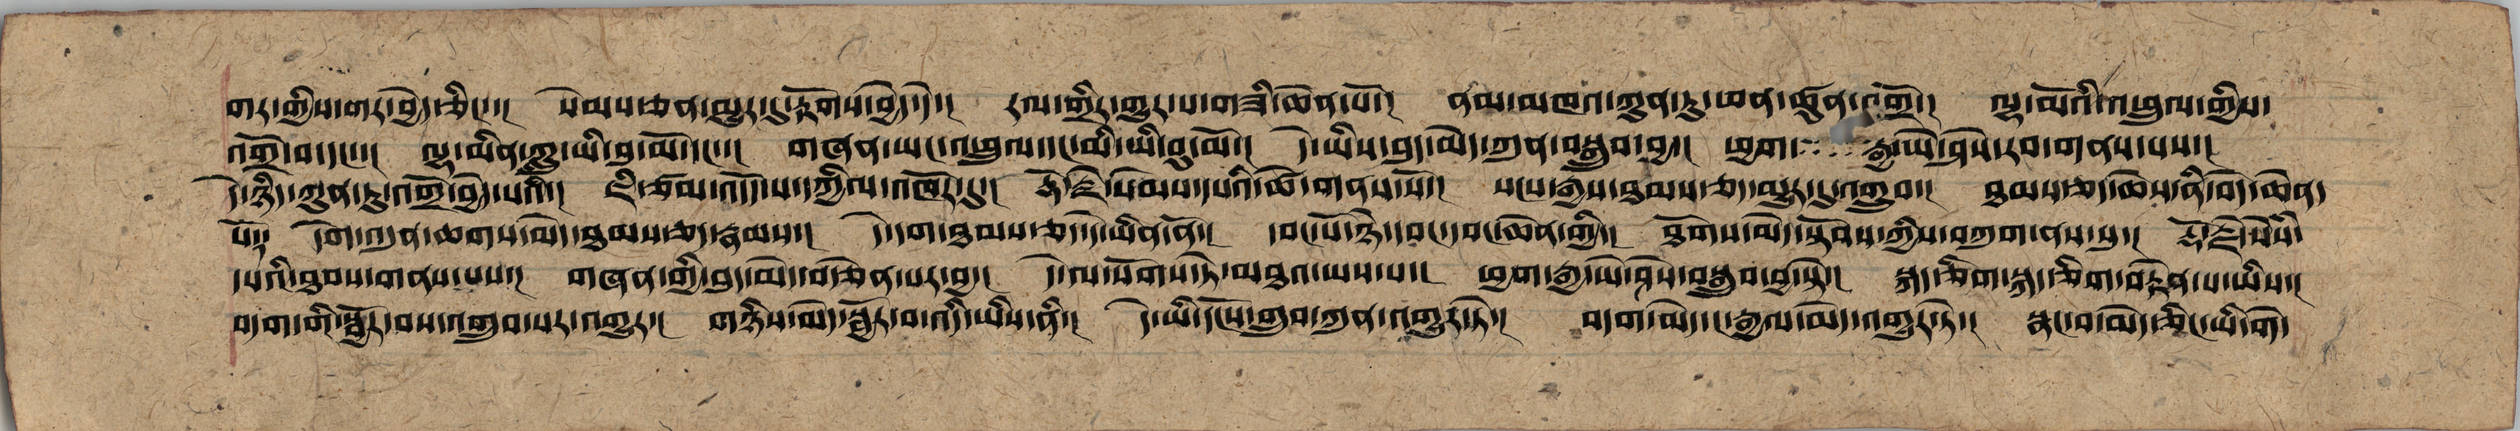གར་གྱིས་གར་བྱེད་ཅིང་་། སེམས་ཅན་མྱུར་དུ་རྟོགས་བྱེད་དེ་། རལ་གྲིར་གྱུར་པ་གཟི་ཆེན་པོ་། ནམ་མཁའ་ཀུན་ཏུ་ཕན་ཚུན་འགྲོ་། ལྷ་མོའི་འཕྲུལ་གྱིས་
འགྲོ་བ་དང་་། ལྷ་མིན་ཀླུ་ཡི་བུ་མོ་དང་་། གཞན་ཡང་འཕྲུལ་དང་མི་ཡི་བུ་མོ་། དེ་ཡིས་བུད་མེད་ཀུན་བསྒྲུབ་བྱ་། ཕྱག་ རྒྱ་ཡེ་ཤེས་རབ་གནས་པས་།
དེ་ཉིད་ཀུན་ཏུ་འགྲོ་བྱེད་པའི་། ཇི་ཙམ་འདོད་པ་དཀྱིལ་འཁོར་དུ་། རྡོ་རྗེ་སེམས་དཔའི་ཚེ་གནས་སོ་། སངས་རྒྱས་ཐམས་ཅད་མྱུར་དུ་འགྲུབ་། ཐམས་ཅད་ཆེས་ནི་བདེ་ཆེན་
པོ༑ དགེ་འདུན་ཆགས་མེད་ཐམས་ཅད་རྣམས་། དེ་དག་ཐམས་ཅད་དེ་ཡིན་ནོ་། དབང་པོ་ཉེ་དབང་དབང་ཆེན་གྱི་། ཐོགས་མེད་སྟོབས་ཀྱིས་བཀུག་ནས་སུ་། རྡོ་རྗེ་སེཾས་
དཔའི་ཐབས་གནས་པས་། གཞན་གྱི་བུད་མེད་བརྩེན་པར་བྱ་། དེ་ལ་སོགས་ཏེ་མཐའ་ཡས་པ་། ཕྱག་རྒྱ་ཡེ་ཤེས་བསྒྲུབ་བྱ་སྟེ་། སྐད་ཅིག་སྐད་ཅིག་བརྟེན་པ་ཡིས་།
བདག་གི་སྦྱོར་བས་འགྲུབ་པར་འགྱུར་། གཉིས་མེད་སྦྱོར་བ་འདི་ཡིས་ནི་། དེ་ཡི་དངོས་གྲུབ་ཀུན་འགྱུར་ཏེ་། བདག་མེད་ང་རྒྱལ་མེད་འགྱུར་ཏེ་། སྣང་བ་མེད་ཅིང་ཡི་གེ་